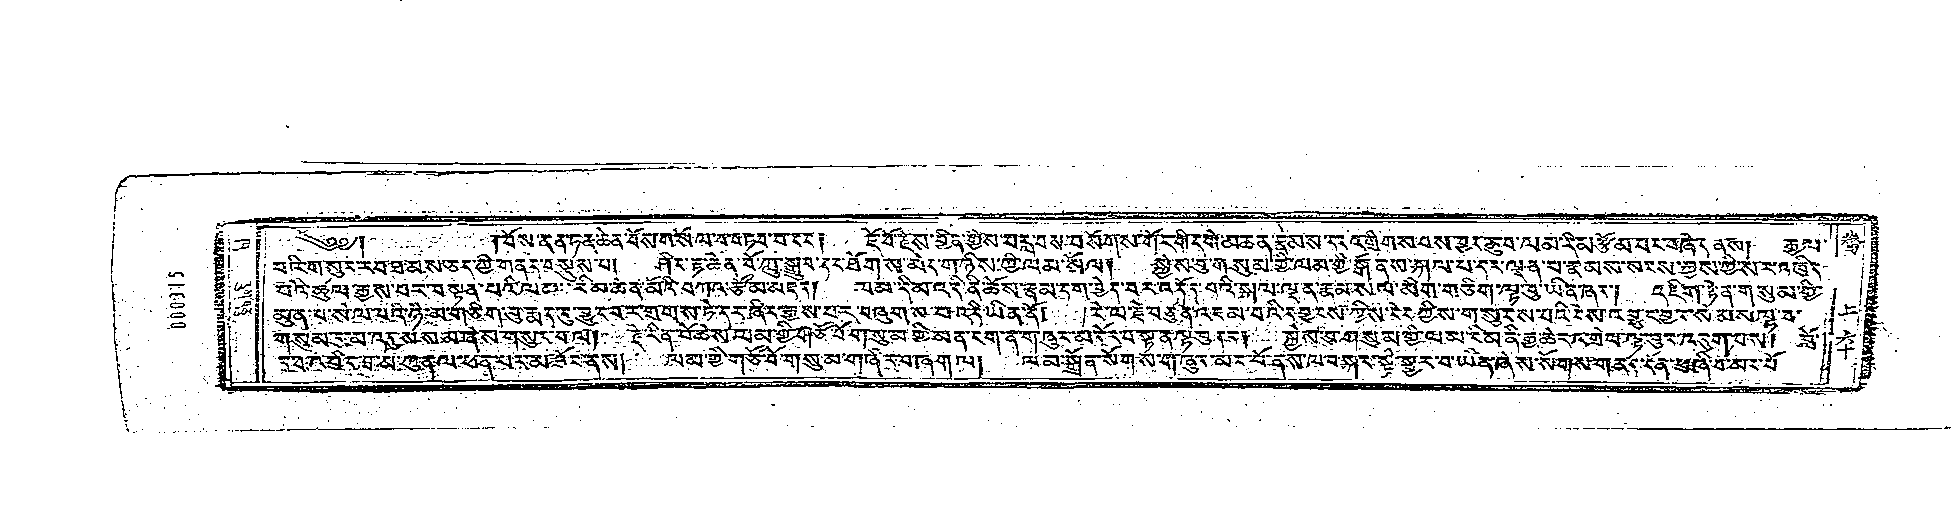༄༅། །བོས་ནན་ཏན་ཆེན་པོས་གསོལ་བ་བཏབ་པ་དང་། ཇོ་བོ་རྗེས་བྱིན་གྱིས་བརླབས་པ་སོགས་གོང་གི་དགེ་མཚན་རྣམས་དང་འགྲིགས་པས་བྱང་ཆུབ་ལམ་རིམ་རྩོམ་པར་བཞེད་ནས། རྒྱལ་
བའི་གསུང་རབ་ཐམས་ཅད་ཀྱི་གནད་བསྡུས་པ། ཤིང་རྟ་ཆེན་པོ་ཀླུ་སྒྲུབ་དང་ཐོགས་མེད་གཉིས་ཀྱི་ལམ་སྲོལ། སྐྱེས་བུ་གསུམ་གྱི་ལམ་གྱི་སྒོ་ནས་སྐལ་བ་དང་ལྡན་པ་རྣམས་སངས་རྒྱས་ཀྱི་སར་འཁྲིད་
པའི་ཚུལ་རྒྱས་པར་བསྟན་པའི་ལམ་རིམ་ཆེན་མོའི་བཀའ་རྩོམ་མཛད། ལམ་རིམ་འདི་ནི་ཆོས་རྣམ་དག་བྱེད་བར་འདོད་པའི་སྐལ་ལྡན་རྣམས་ལ་མིག་གཅིག་ལྟ་བུ་ཡིན་ཞིང་། འཇིག་རྟེན་གསུམ་གྱི་
མུན་པ་སེལ་བའི་ཉི་མ་གཅིག་པུ་རྨད་དུ་བྱུང་བར་གྲགས་ཏེ་དར་ཞིང་རྒྱས་པར་བཞུགས་པ་འདི་ཡིན་ནོ། །དེ་ལ་རྗེ་བཙུན་འཇམ་པའི་དབྱངས་ཀྱིས་ངེས་ཀྱིས་གསུངས་པའི་ངེས་འབྱུང་བྱང་སེམས་ལྟ་བ་
གསུམ་དུ་མ་འདུས་སམ་ཞེས་གསུང་བ་ལ། རྗེ་རིན་པོ་ཆེས་ལམ་གྱི་གཙོ་བོ་གསུམ་གྱི་མན་ངག་ན་གཞུང་མདོར་བསྟན་ལྟ་བུ་དང་། སྐྱེས་བུ་གསུམ་གྱི་ལམ་རིམ་ནི་རྒྱ་ཆེར་འགྲེལ་ལྟ་བུར་འདུག་པས། བློ་
རབ་འབྲིང་ཐ་མ་ཀུན་ལ་ཕན་པར་མཐོང་ནས། ལམ་གྱི་གཙོ་བོ་གསུམ་གཞིར་བཞག་ལ། ལམ་སྒྲོན་སོགས་གཞུང་མང་པོ་ནས་ཁ་བསྐང་སྟེ་སྦྱར་བ་ཡིན་ཞེས་སོགས་གནད་དོན་ཕྲ་ཞིབ་མང་པོ་